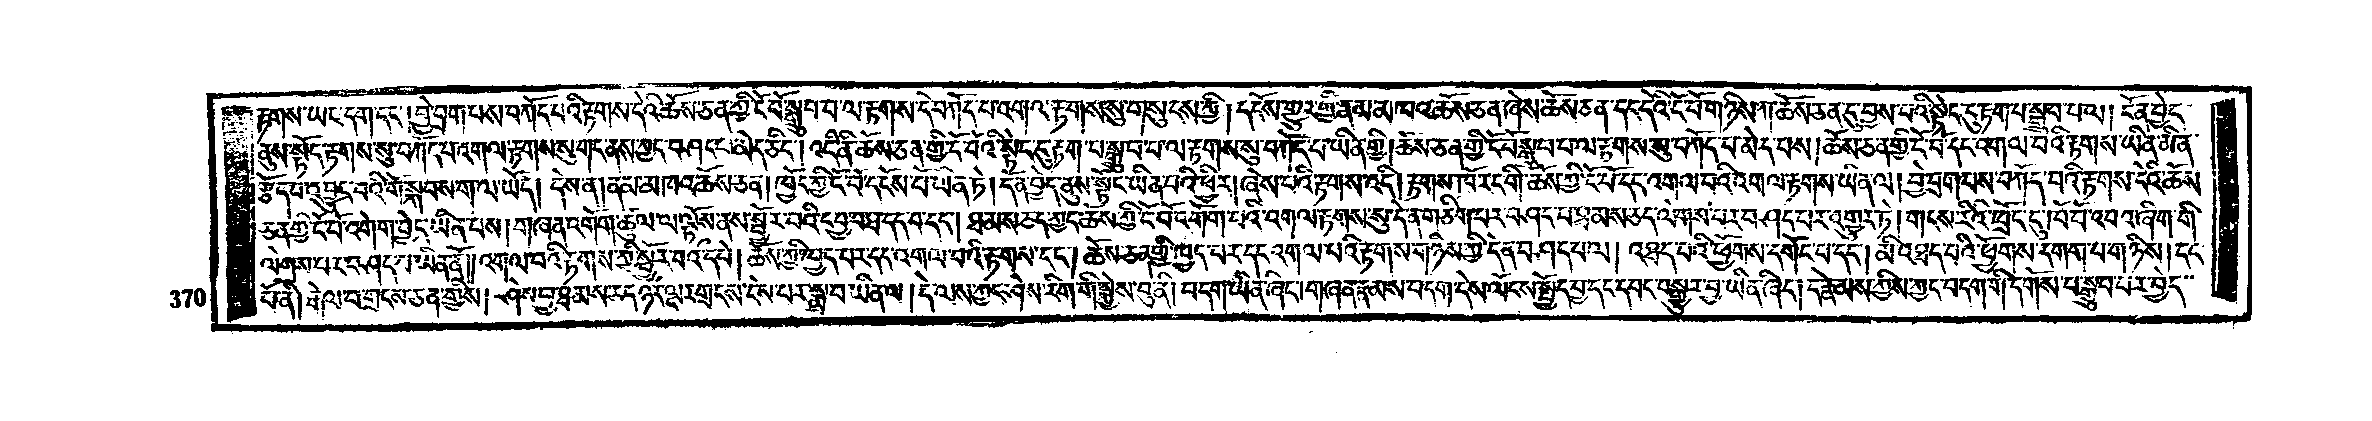རྟགས་ཡང་དག་དང་། བྱེ་བྲག་པས་བཀོད་པའི་རྟགས་དེའི་ཆོས་ཅན་གྱི་ངོ་བོ་སྒྲུབ་པ་ལ་རྟགས་དེ་བཀོད་པ་འགལ་རྟགས་སུ་གསུངས་ཀྱི། དངོས་གྱུར་གྱི་ནམ་མཁའ་ཆོས་ཅན་ཞེས་ཆོས་ཅན་དང་དེའི་ངོ་བོ་གཉིས་ཀ་ཆོས་ཅན་དུ་བྱས་པའི་སྟེང་དུ་རྟག་པ་སྒྲུབ་པ་ལ། དོན་བྱེད་
ནུས་སྟོང་རྟགས་སུ་བཀོད་པ་འགལ་རྟགས་སུ་གང་ནས་ཀྱང་བཤད་པ་མེད་ཅིང་། འདི་ནི་ཆོས་ཅན་གྱི་ངོ་བོའི་སྟེང་དུ་རྟག་པ་སྒྲུབ་པ་ལ་རྟགས་སུ་བཀོད་པ་ཡིན་གྱི། ཆོས་ཅན་གྱི་ངོ་བོ་སྒྲུབ་པ་ལ་རྟགས་སུ་བཀོད་པ་མེད་པས། ཆོས་ཅན་གྱི་ངོ་བོ་དང་འགལ་བའི་རྟགས་ཡིན་མིན་
རྩོད་པ་འབྱུང་བའི་གོ་སྐབས་ག་ལ་ཡོད། དེས་ན། ནམ་མཁའ་ཆོས་ཅན། ཁྱོད་ཀྱི་ངོ་བོ་དངོས་པོ་ཡིན་ཏེ། དོན་བྱེད་ནུས་སྟོང་ཡིན་པའི་ཕྱིར། ཞེས་པའི་རྟགས་འདི། རྟགས་ཁོ་རང་གི་ཆོས་ཀྱི་ངོ་བོ་དང་འགལ་བའི་འགལ་རྟགས་ཡིན་ལ། བྱེ་བྲག་པས་བཀོད་པའི་རྟགས་དེའི་ཆོས་
ཅན་གྱི་ངོ་བོ་འགོག་བྱེད་ཡིན་པས། གཞན་འགོག་ཚུལ་ལ་ལྟོས་ནས་སྦྱོར་བའི་དབྱེ་བ་ཐ་དད་པ་དང་། ཐམས་ཅད་ཀྱང་ཆོས་ཀྱི་ངོ་བོ་འགོག་པའི་འགལ་རྟགས་སུ་དོན་གཅིག་པར་བཤད་པ་ཐམས་ཅད་ལེགས་པར་བཤད་པར་འགྱུར་ཏེ། གངས་རིའི་ཁྲོད་དུ་ཁོ་བོ་འབའ་ཞིག་གི་
ལེགས་པར་བཤད་པ་ཡིན་ནོ། །འགལ་བའི་རྟགས་ཀྱི་སྦྱོར་བའི་དཔེ། ཆོས་ཀྱི་ཁྱད་པར་དད་འགལ་བའི་རྟགས་དང་། ཆོས་ཅན་གྱི་ཁྱད་པར་དང་འགལ་པའི་རྟགས་གཉིས་ཀྱི་དོན་བཤད་པ་ལ། འཐད་པའི་ཕྱོགས་དགོང་པ་དང་། མི་འཐད་པའི་ཕྱོགས་དགག་པ་གཉིས། དང་
པོ་ནི། རྒོལ་བ་གྲངས་ཅན་གྱིས། ཤེས་བྱ་ཐམས་ཅད་ཉེར་ལྔར་གྲངས་ངེས་པར་སྨྲ་བ་ཡིན་ལ། དེ་ལས་ཀྱང་ཤེས་རིག་གི་སྐྱེས་བུ་ནི། བདག་ཡིན་ཞིང་། གཞན་རྣམས་བདག་དེས་ལོངས་སྤྱོད་བྱ་དང་དབང་བསྒྱུར་བྱ་ཡིན་ཞིང་། དེ་རྣམས་ཀྱིས་ཀྱང་བདག་གི་དགོས་པ་སྒྲུབ་པར་བྱེད་